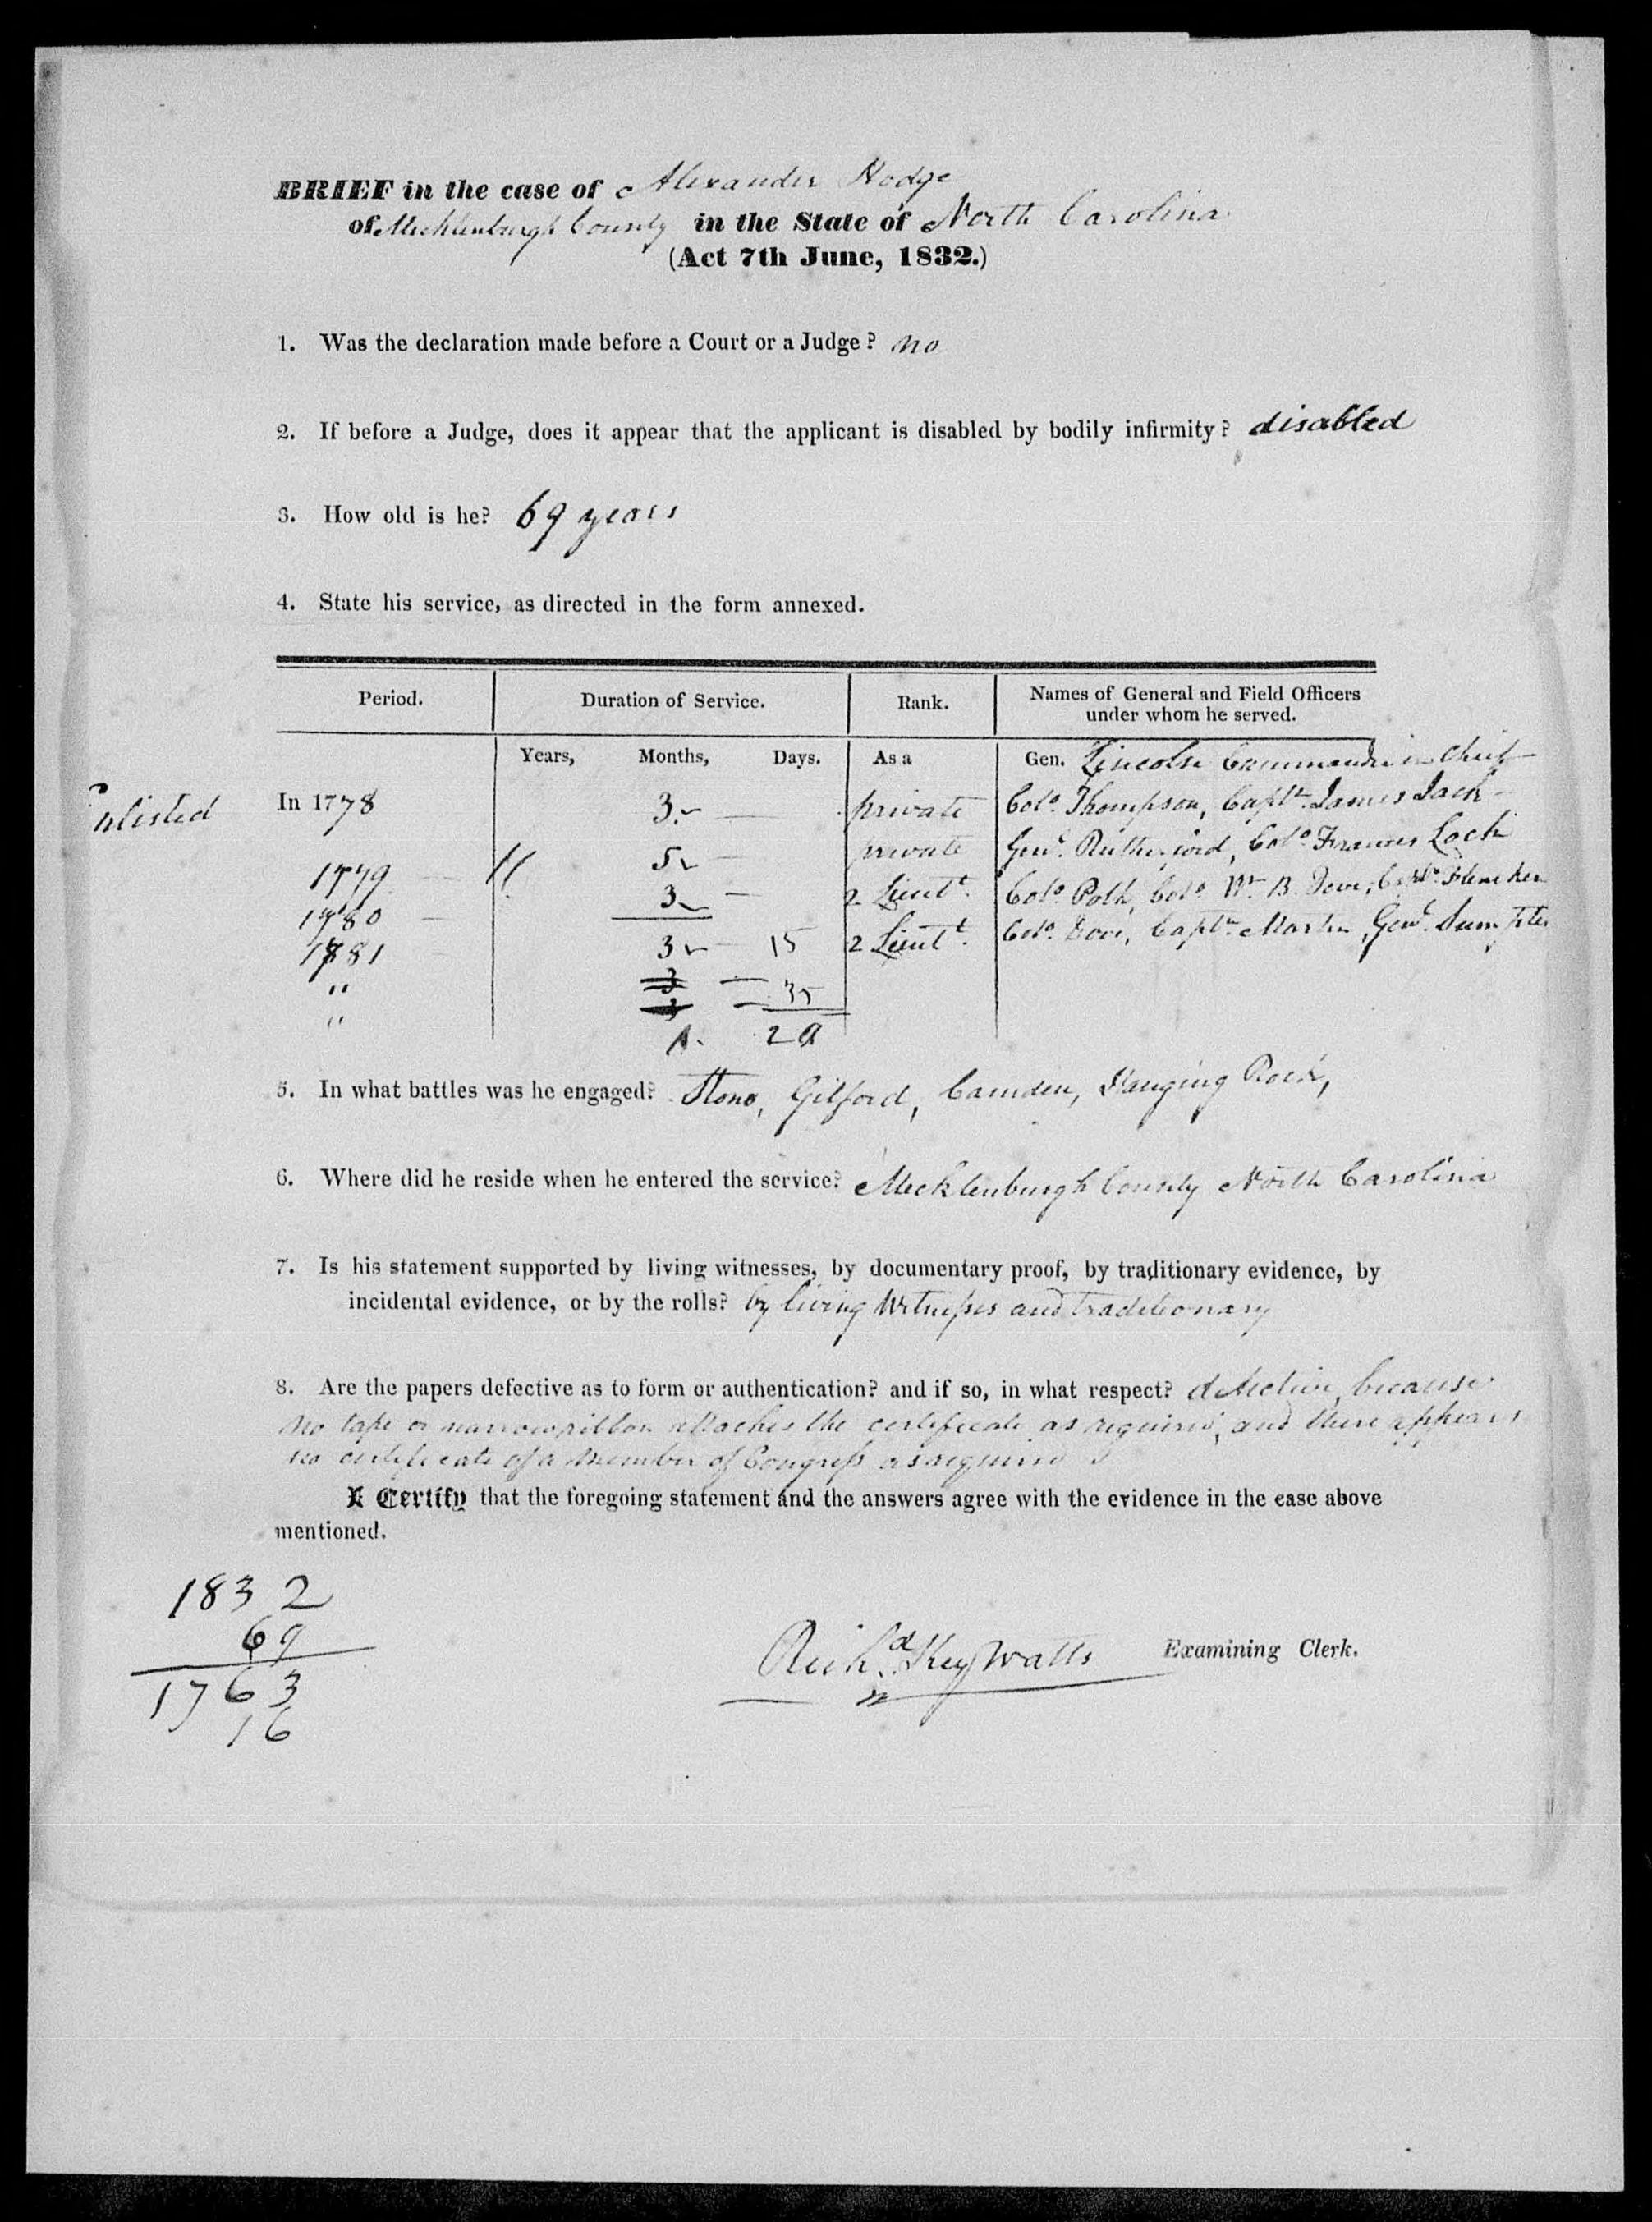BRIEF in the case of Alexander Hodge 
Of Mecklenburgh County in the State of North Carolina
(Act 7th June, 1832) 

1.	Was the declaration made before a Curt or a Judge?  No

2.	If before a Judge, does it appear that the applicant is disabled by bodily infirmity?  disabled 

3.	How old is he?  69 years

4.	State his service, as directed in the form annexed.

(The following is in column format with headers as follows:)
Period.
Duration of Service.  Years, Months, Days.
Rank.  As a 
Names of General and Field Officers under whom he served. 
Gen. Lincoln Commander in Chief
Enlisted In 1778	3 [months]  	private		Colo Thompson, Capt James Jack

1779			5 - 		private		Genl Rutherford, Colo Frances Lock

1780			3		2 Leiut		Colo Polk, Colo Wm B Davi, Capt Flenchen

17781			3  - 15 [days]	2 Leiut		Colo Davi, Capt Martin, Gen; Sumster
 
 “			       35 [days]
 
 “			 A.    20

5.	In what battles was he engaged?  Stono, Gilford, Camden, Hanging Rock,

6.	Where did he reside when he entered the service? Mecklenburgh County North Carolina

7.	Is his statement supported by living witnesses, by documentary proof, by traditionary evidence, by incidental evidence, or by the rolls?  by living witnesses and traditionary

8.	Are the papers defective as to form or authentication? And if so, in what respect?  defective because no tape or narrow ribbon attaches the certificate as required; and there appears no certificate of a member of Congress as required

X Certify that the foregoing statement and the answers agree with the evidence in the case above mentioned.

1832         Richd Key Watts Examining Clerk.
   69
1763
    16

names: James Jack, Richd Key Watts, Thompson, Martin, Dowe, Flencher, Francis Lock, W B Dowe, Sumpter, Polk, Lincoln, Rutherford, Alexander Hodge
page: 4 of 14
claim: survivor's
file: S. 8737, Alexander Hodge, N.C.